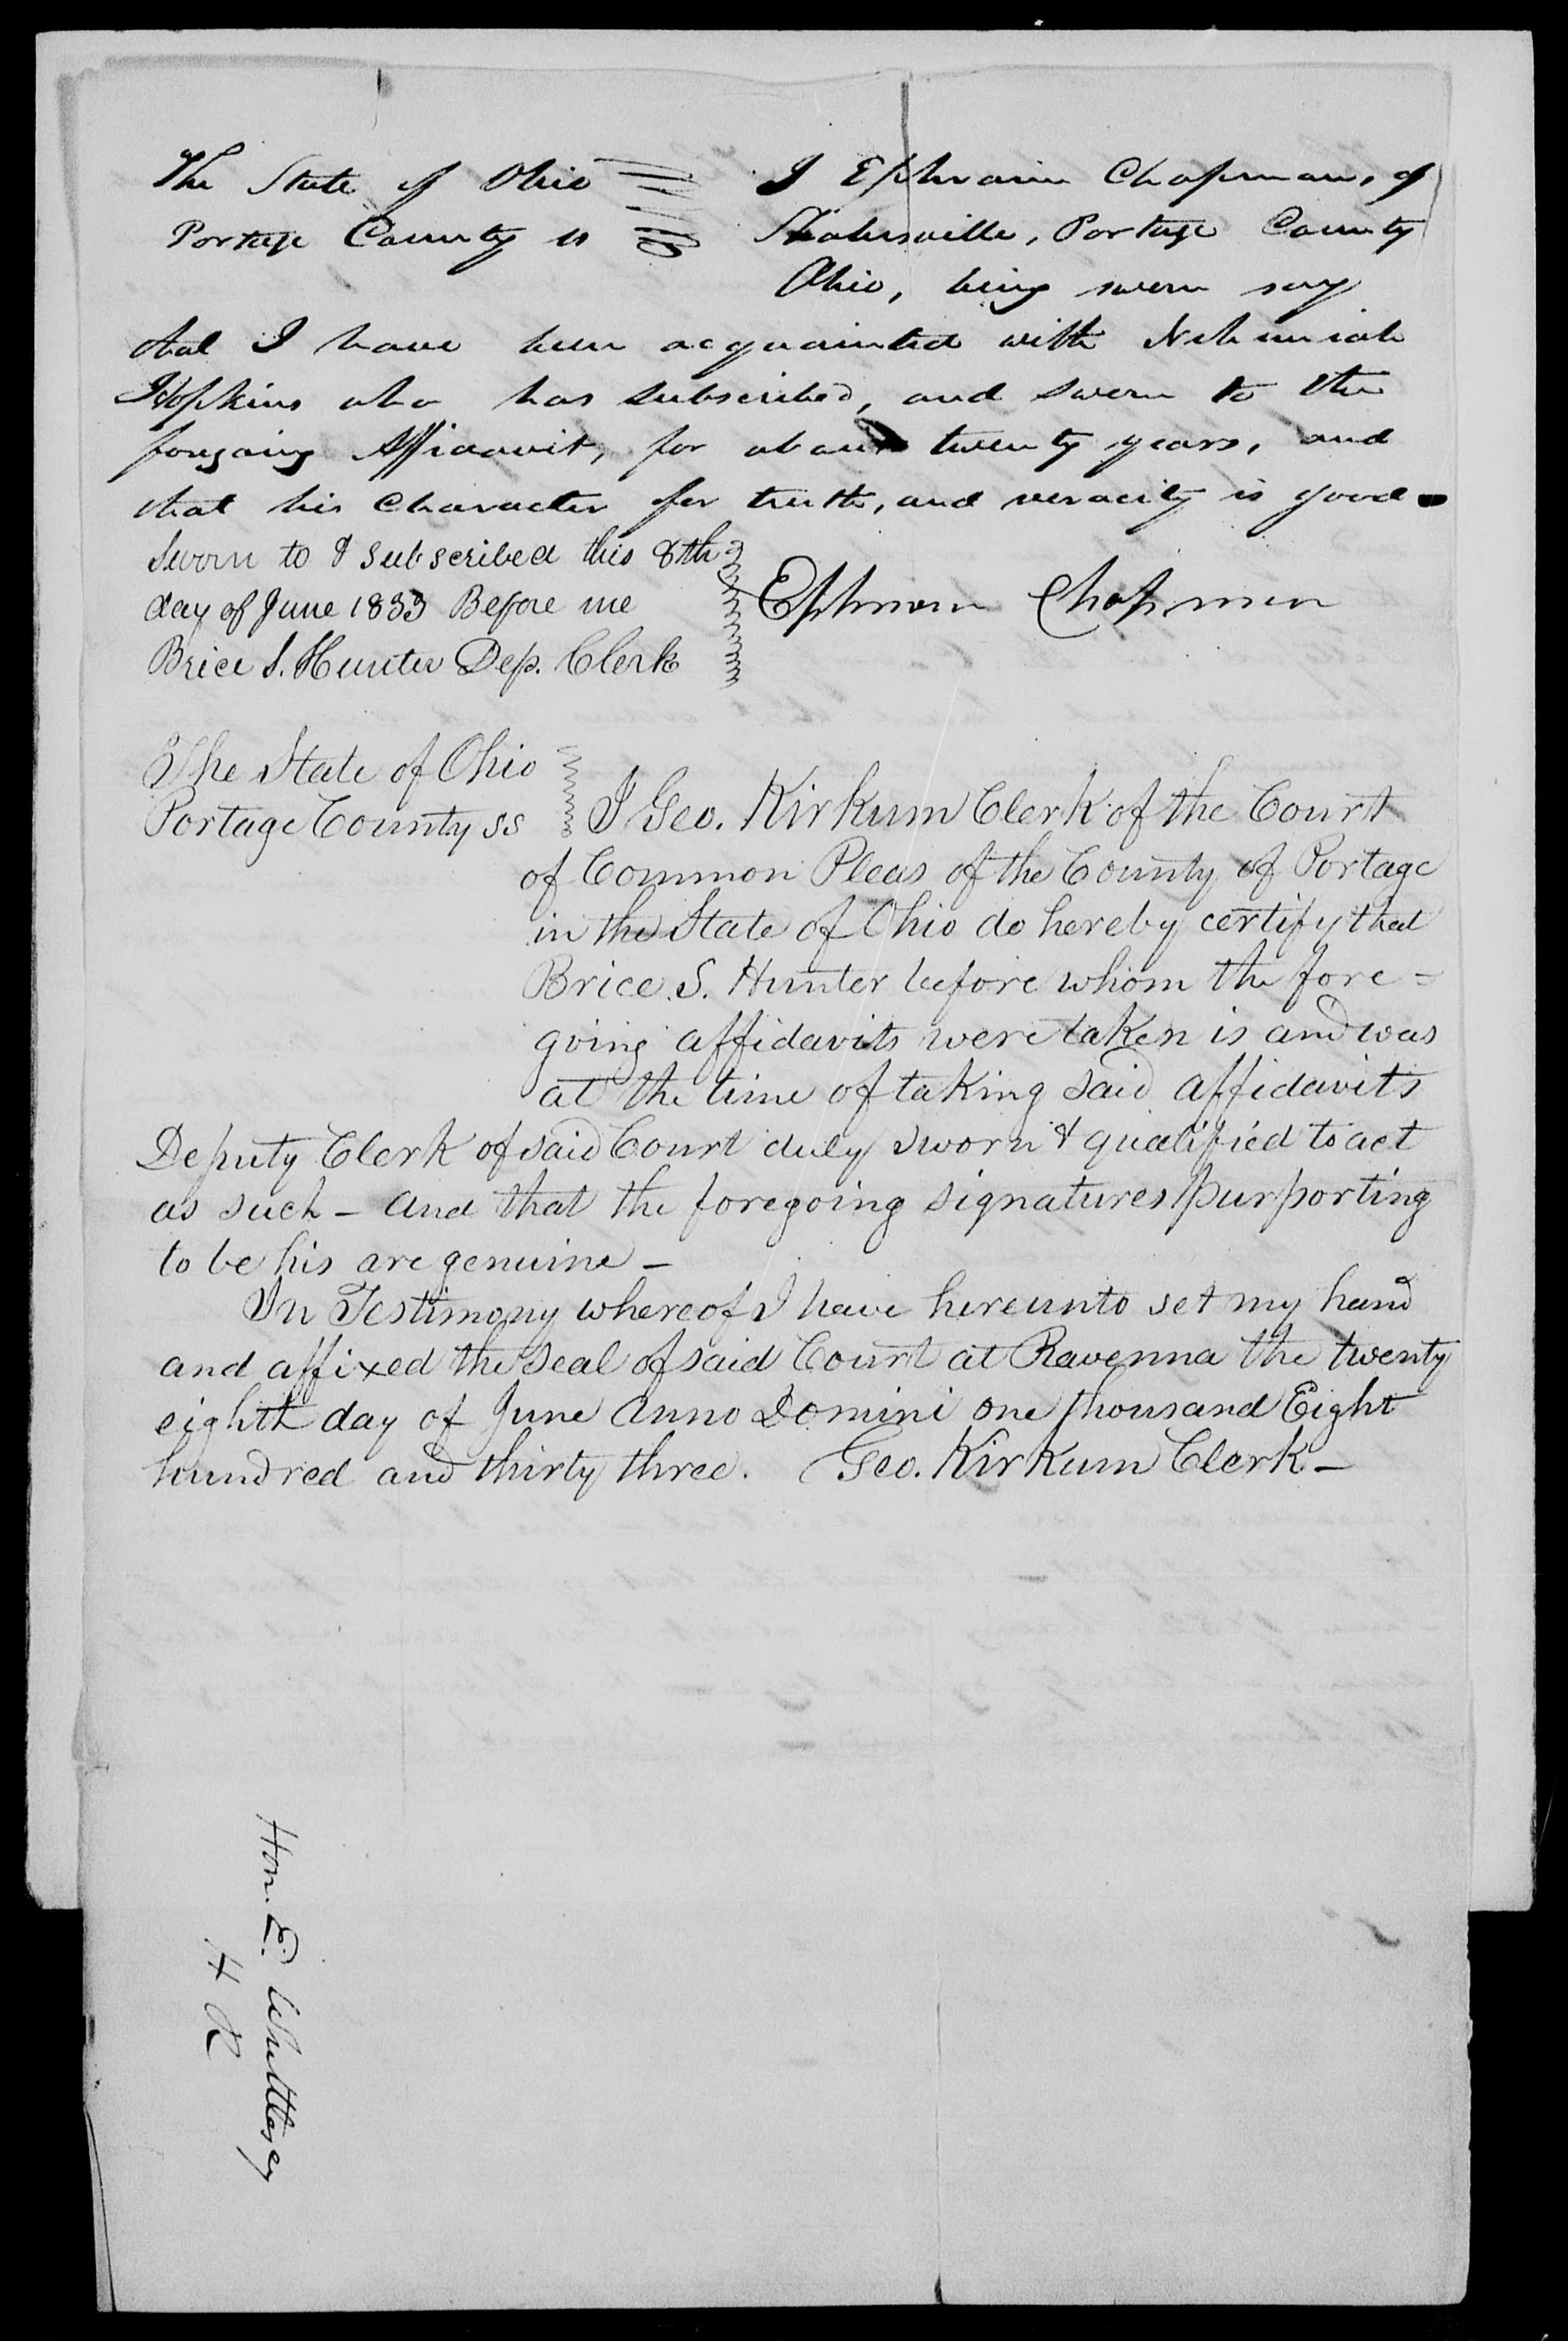The State of Ohio}
Portage County}  I Ephraim Chapman of Aabesville, Portage County Ohio, being sworn say that I have been acquainted with Nehemiah Hopkins who has subscribed and sworn to the foregoing Affidavit, for about twenty years, and
that his character for truth and veracity is good
Sworn to & subscribed this 8th}   Ephriam Chapman
day of June 1833 Before me}
Brice S. Hunter Dep. Clerk}

The State of Ohio}
Portage County } ss   I Geo. Kirkum Clerk of the Court of Common Pleas of the County of Portage in the State of Ohio do hereby certify that Brice S. Hunter before whom the foregoing affidavits were taken is and was at the time of taking said affidavits Deputy Clerk of said Court duly sworn & qualified to act as such - and that the foregoing signatures purporting to be his are genuine-
In Testimony whereof I have hereunto set my hand and affixed the seal of said Court at Ravenna the twenty eighth day of June Anno Domini one thousand Eight hundred and thirty three.   Geo. Kirkum Clerk _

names: Ephraim Chapman, Geo Kirkum, E Whittlesey, Nehemiah Hopkins, Brice S Hunter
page: 129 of 144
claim: rejected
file: R. 5208, Dennis Hopkins, N.C.